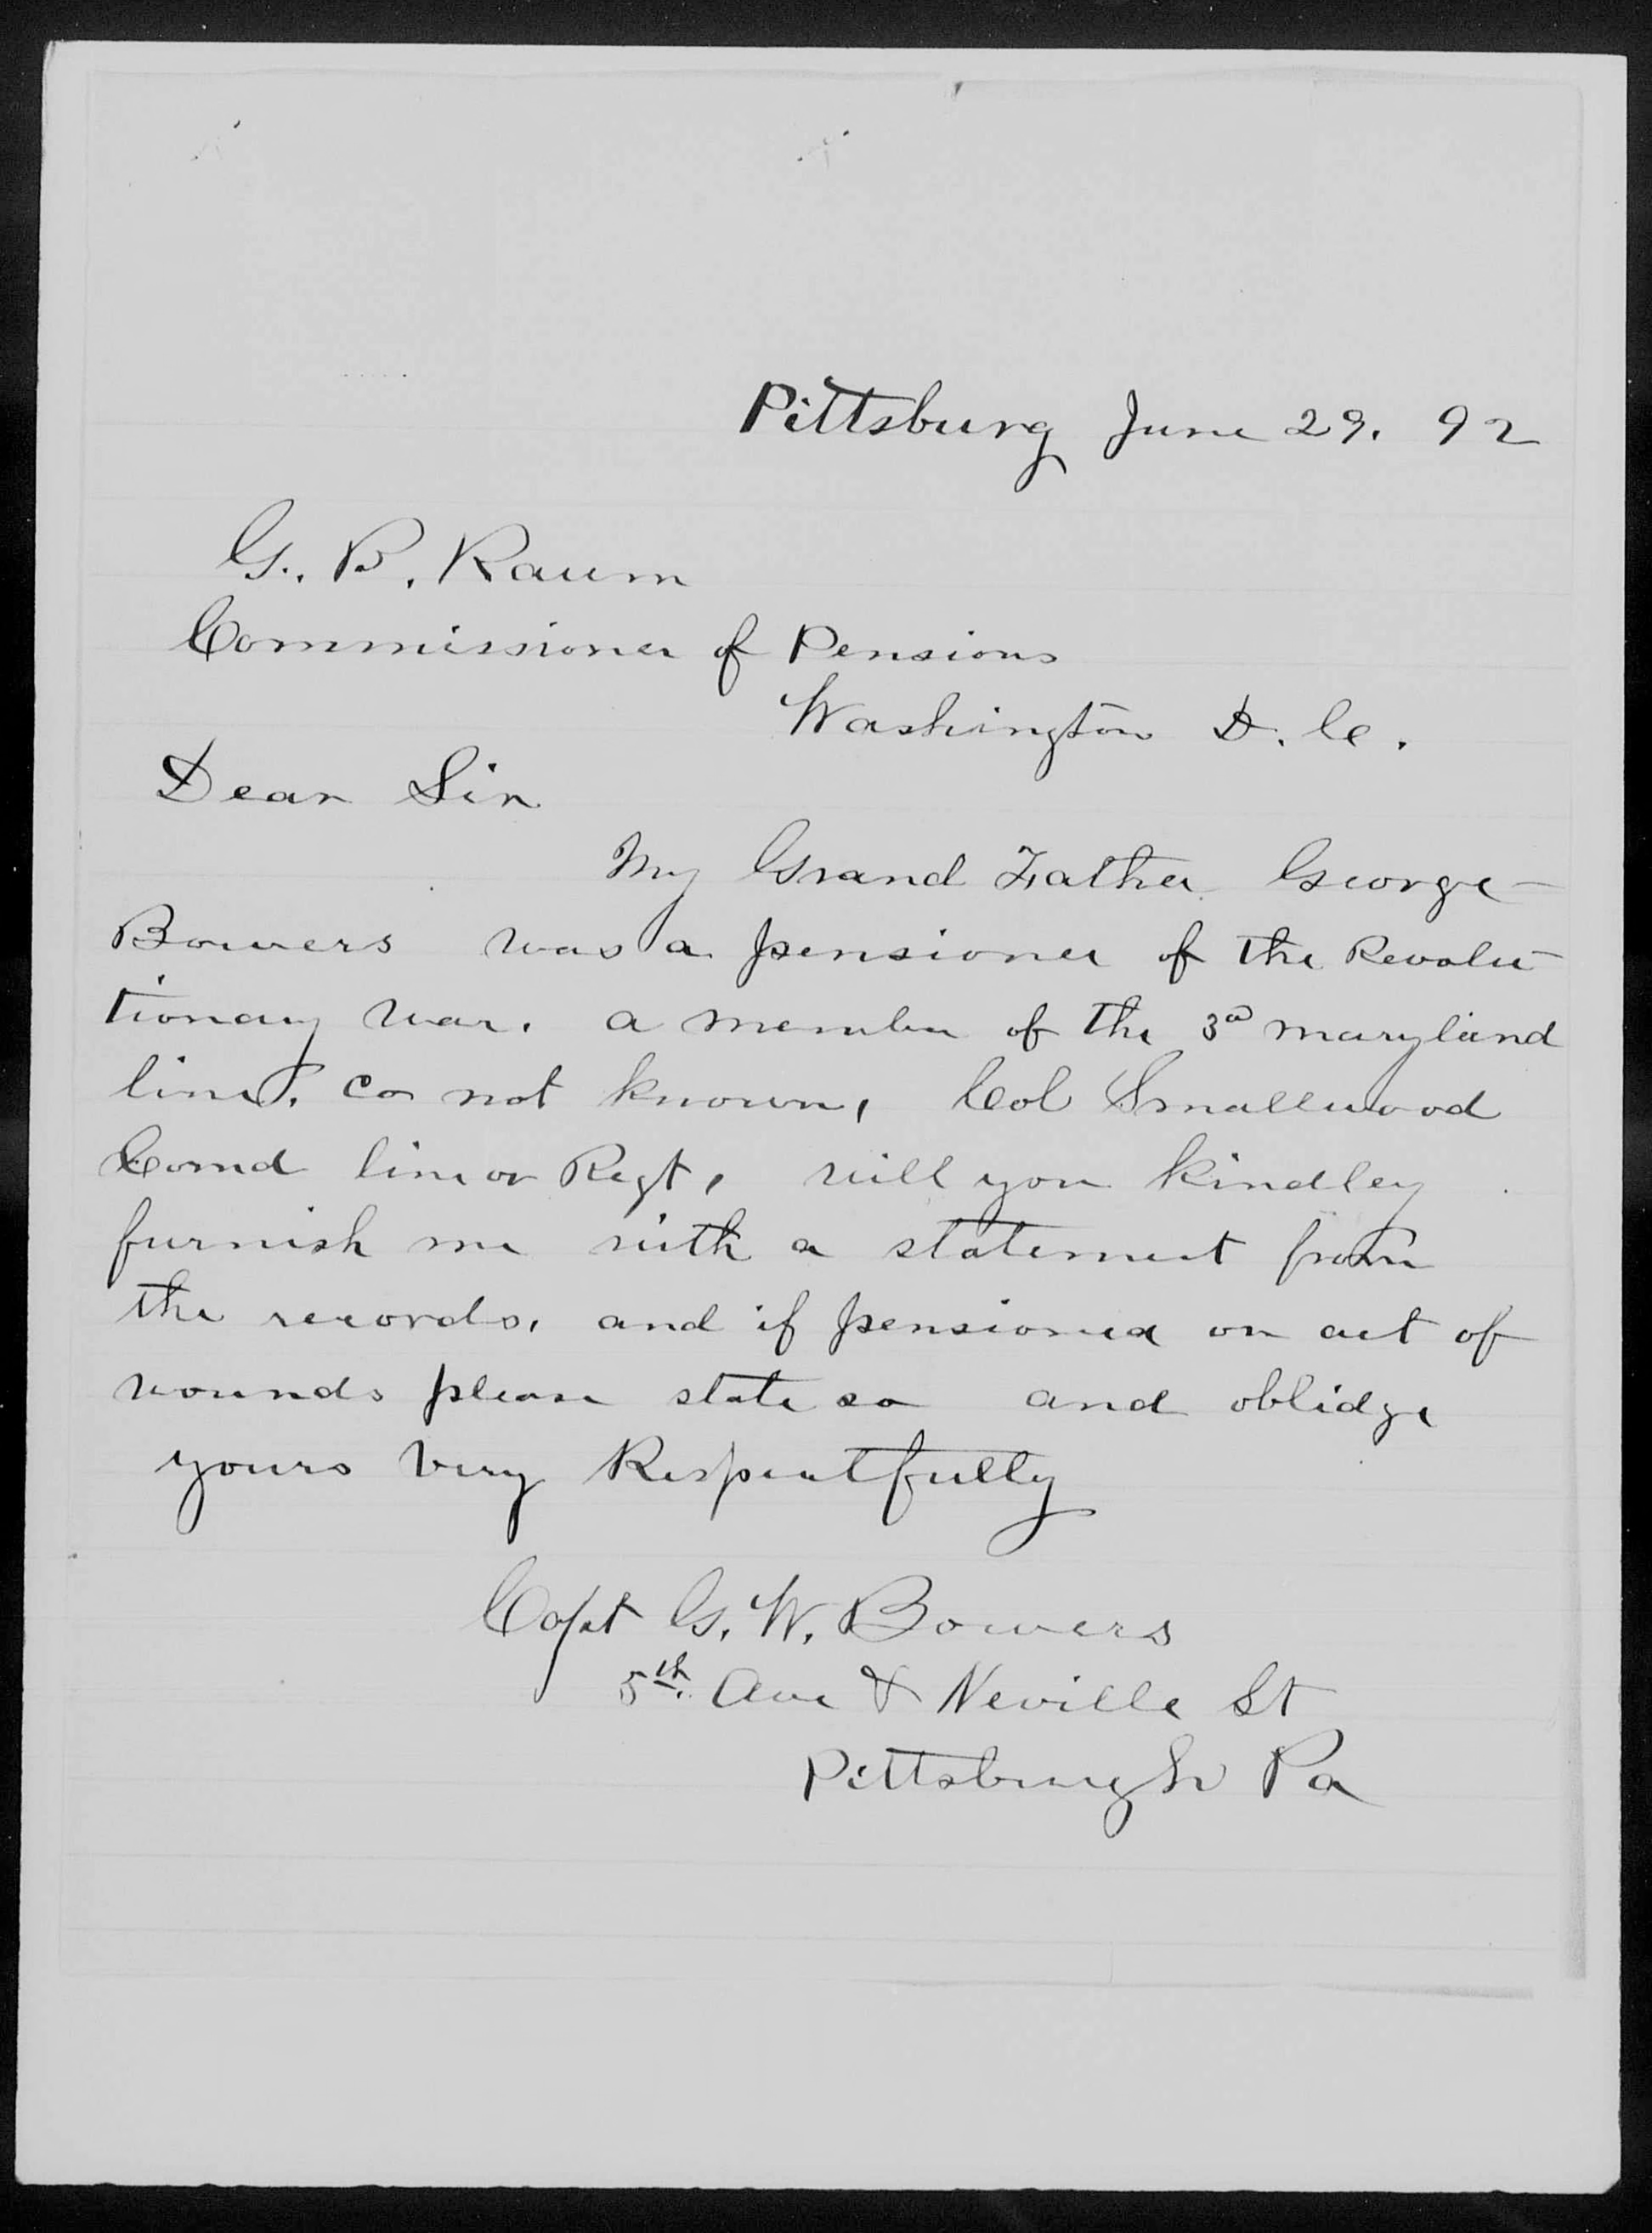[handwritten]

Pittsburg June 29, 92

G. B. Raum
Commissioner of Pensions
Washington, D. C.

Dear Sir

My Grand Father George Bowers was a pensioner of the Revolutionary War.  A member of the 3rd Maryland line, co not known, Col Smallwood Comd line or Regt. Will you kindly furnish me with a statement from the records, and if pensioned on act of rounds please state so and oblidge 
Yours Very Respectfully 
Capt G. W. Bowers
5th Ave & Neville St
Pittsburgh Pa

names: G W Bowers, George Bowers, Smallwood, G B Raum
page: 17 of 19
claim: survivor's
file: S. 40,018, George Bowers, Md